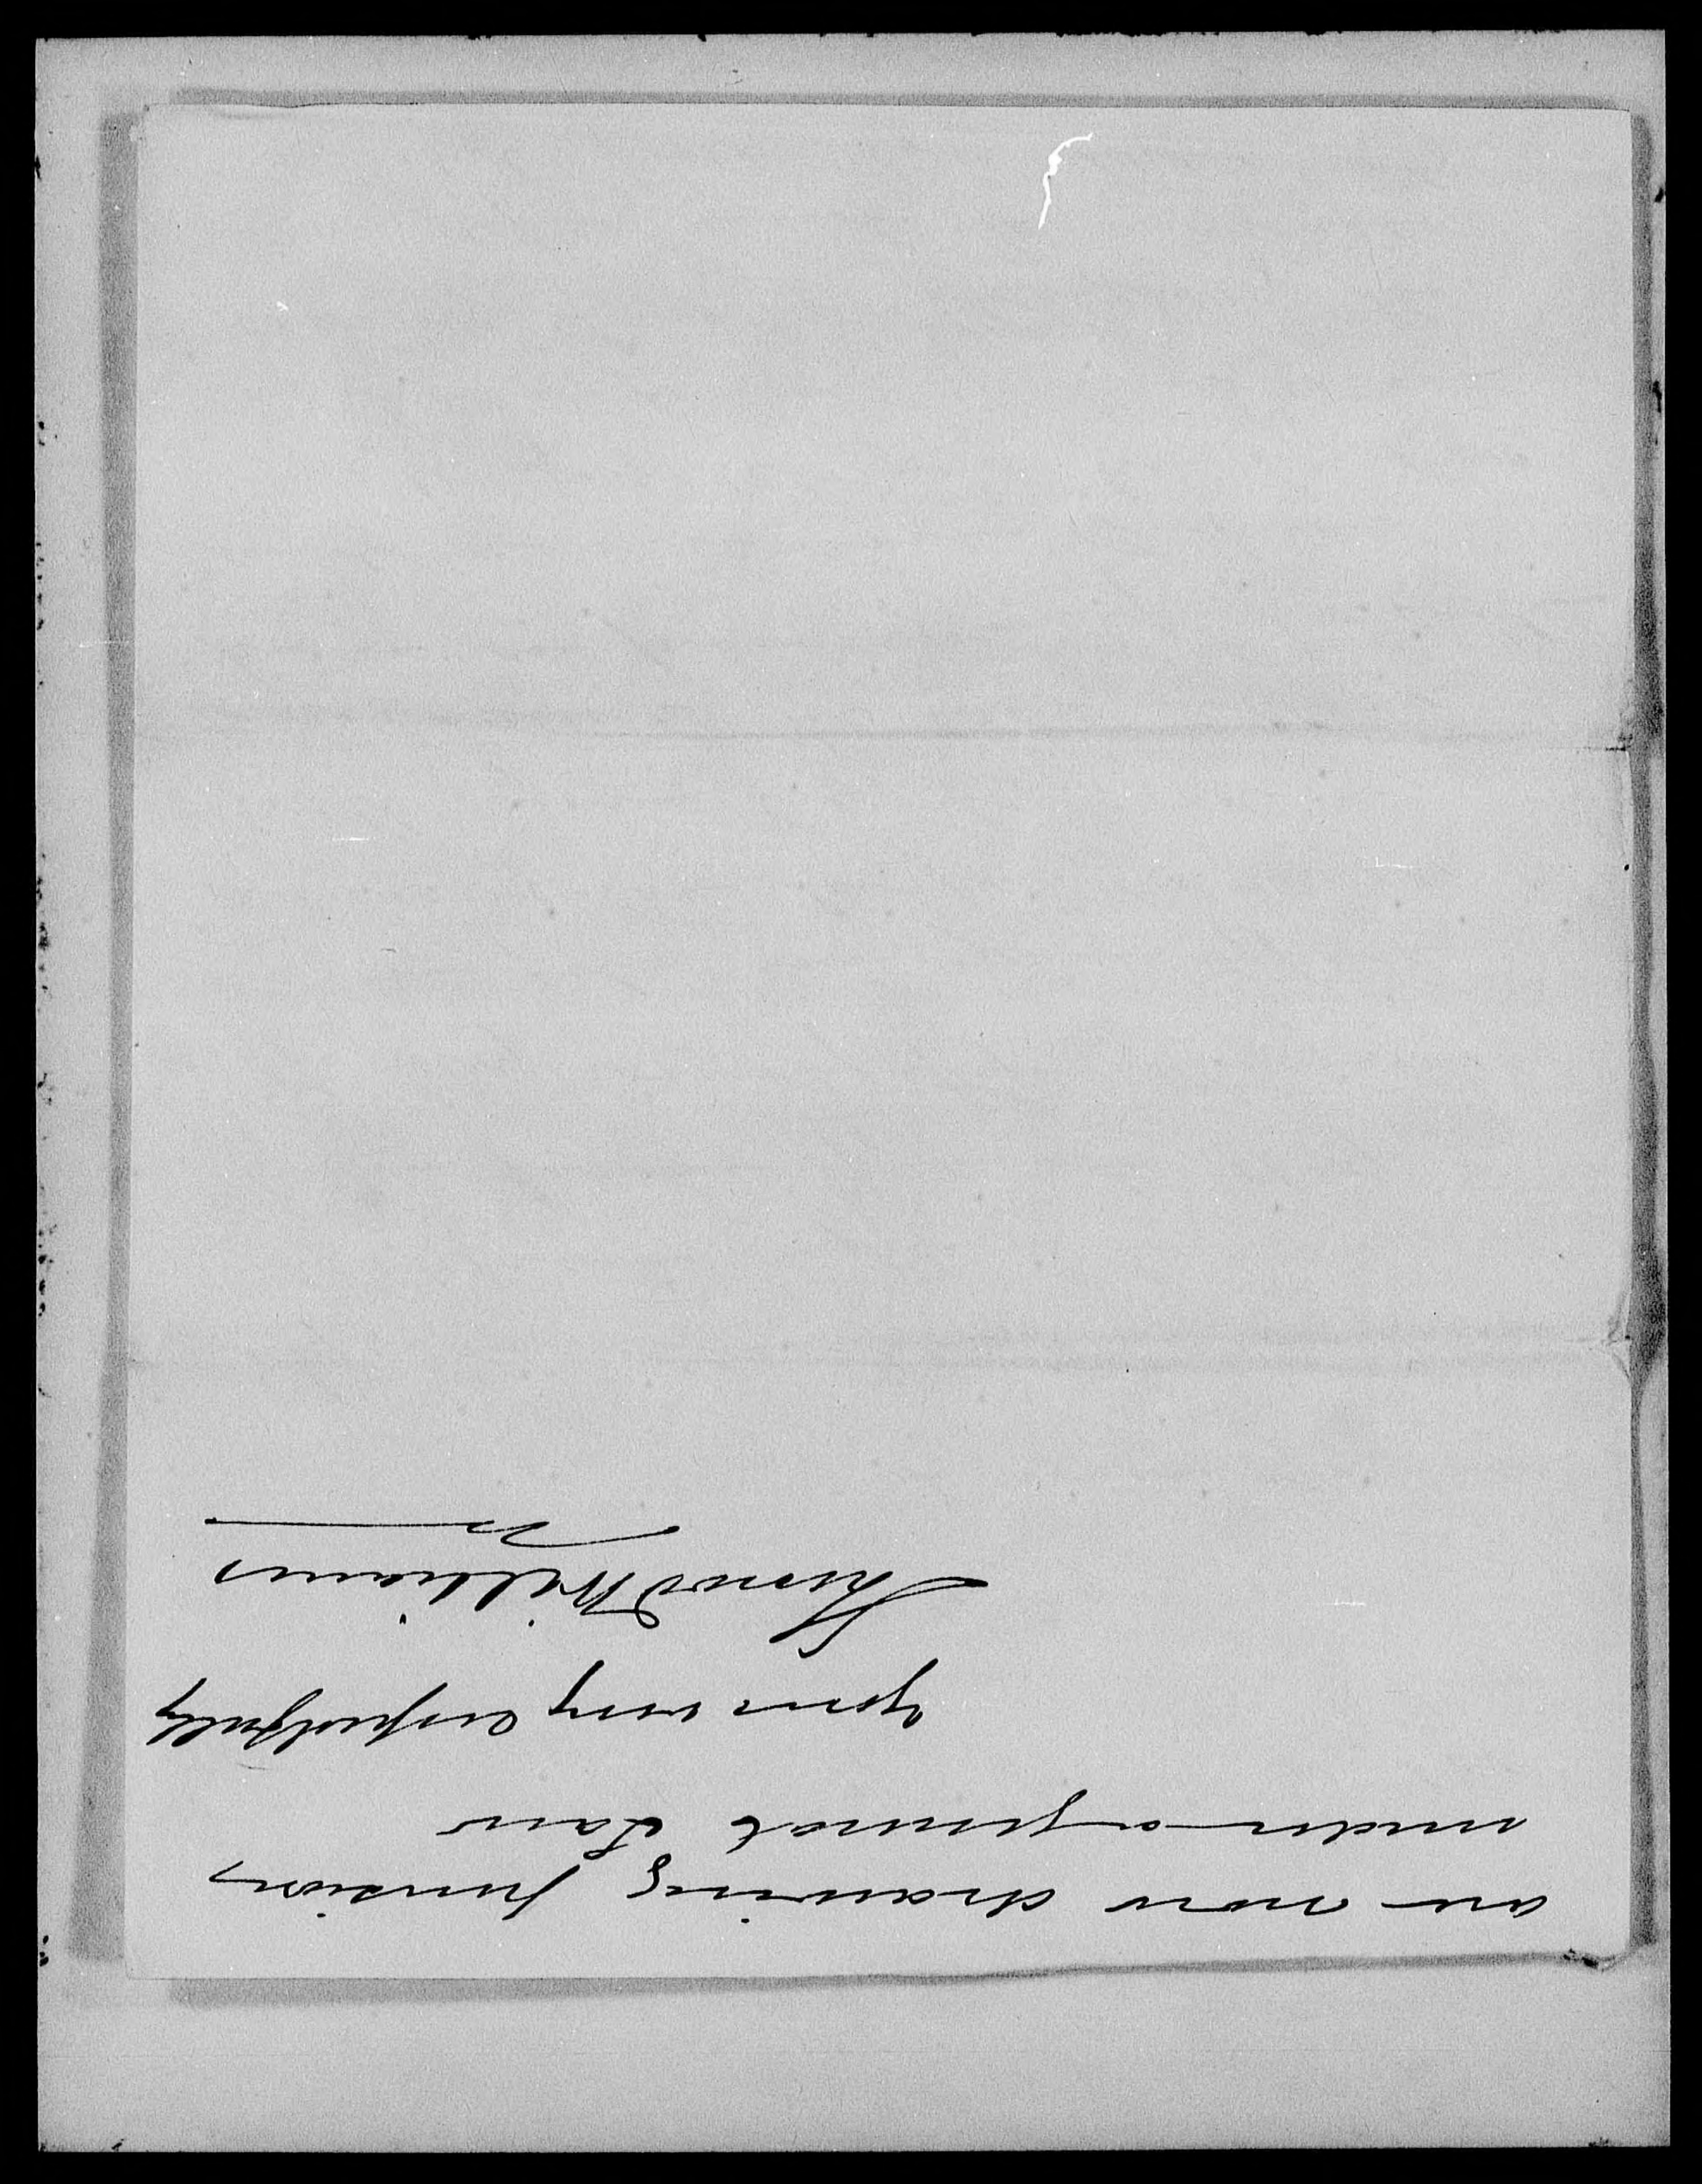are now drawing Pensions under a general law
yours very respectfully
Sherrod Williams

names: Sherrod Williams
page: 27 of 43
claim: rejected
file: R. 8217, for Thomas Philpot, South Carolina